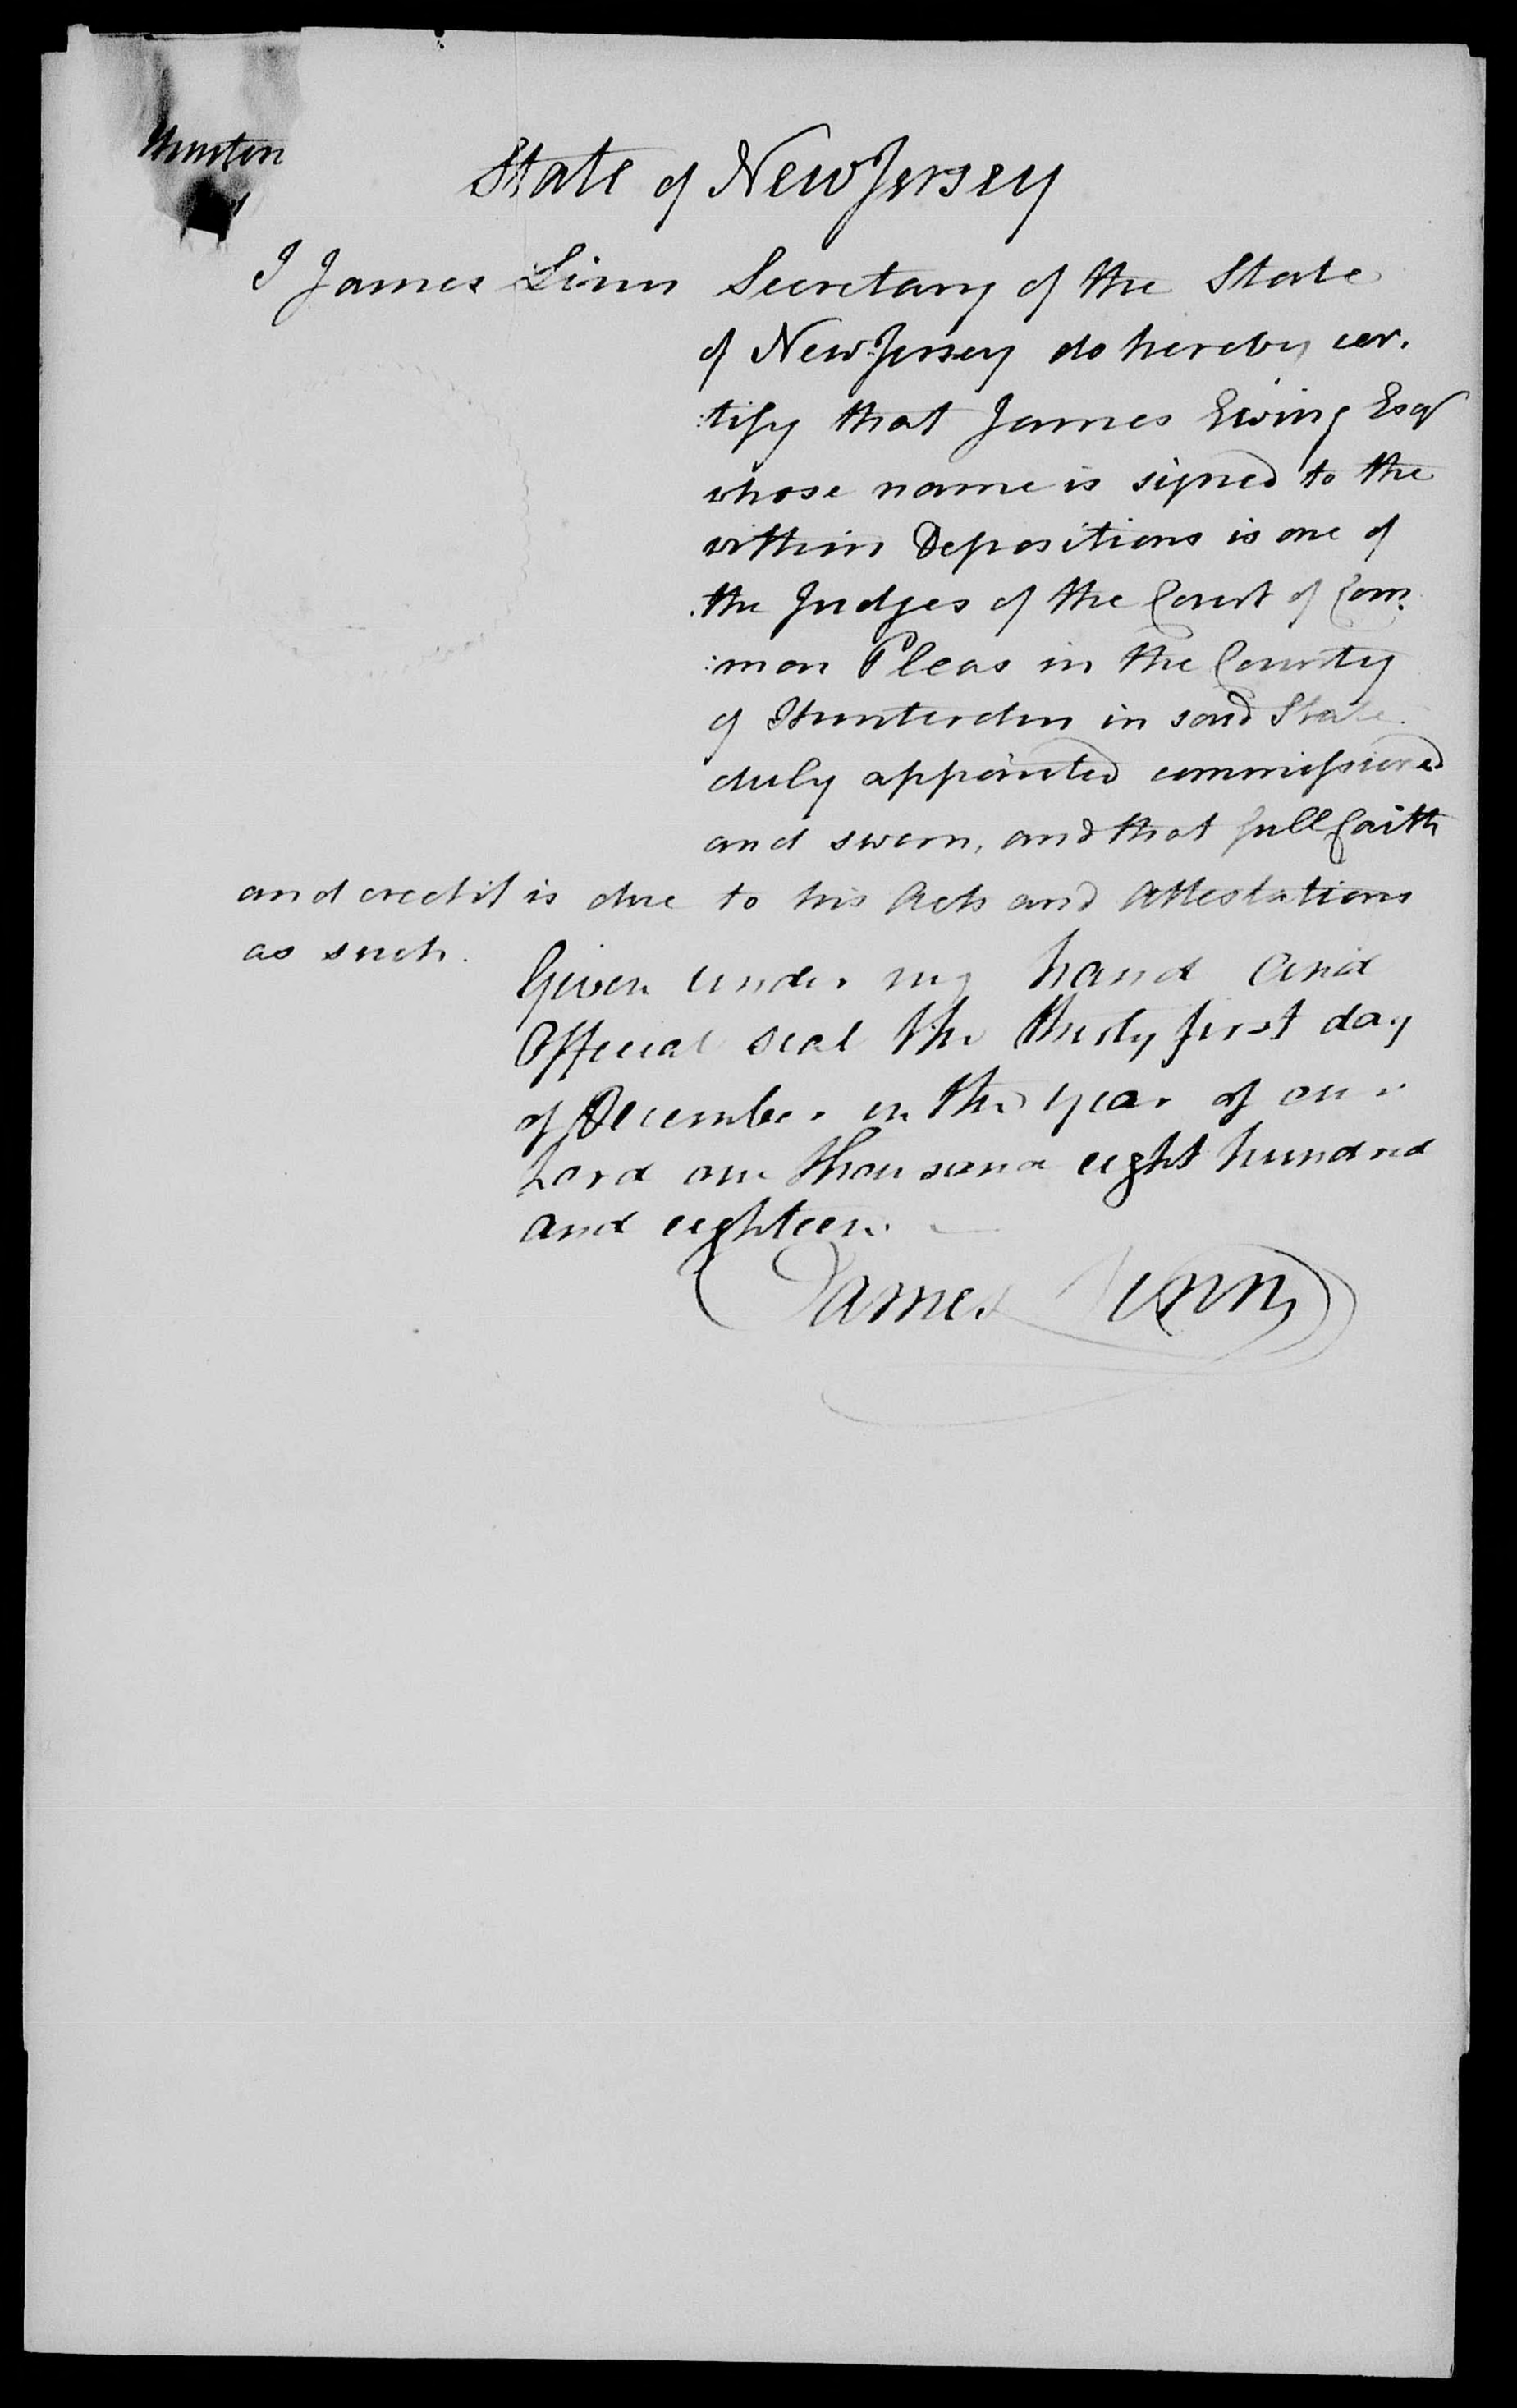[illegible] State of New Jersey
I James Linn Secretary of the State
 | of New Jersey do hereby certify
 | that James Ewing Esq
[seal affixed] |  whose name is signed to the 
 | within Depositions is one of
 | the Judges of the Court of Common
 | Pleas in the County 
 | of Hunterdon in said State
 | duly appointed commissioned
 | and sworn, and that full faith
and credit is due to his acts and attestations
as such.
Given under my hand and
Official seal the thirty first day
of December in the year of our
Lord one thousand eight hundred
and eighteen
James Linn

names: James Linn, James Linn, James Ewing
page: 6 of 29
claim: widow's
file: W. 2,789, George Hartman, New Jersey